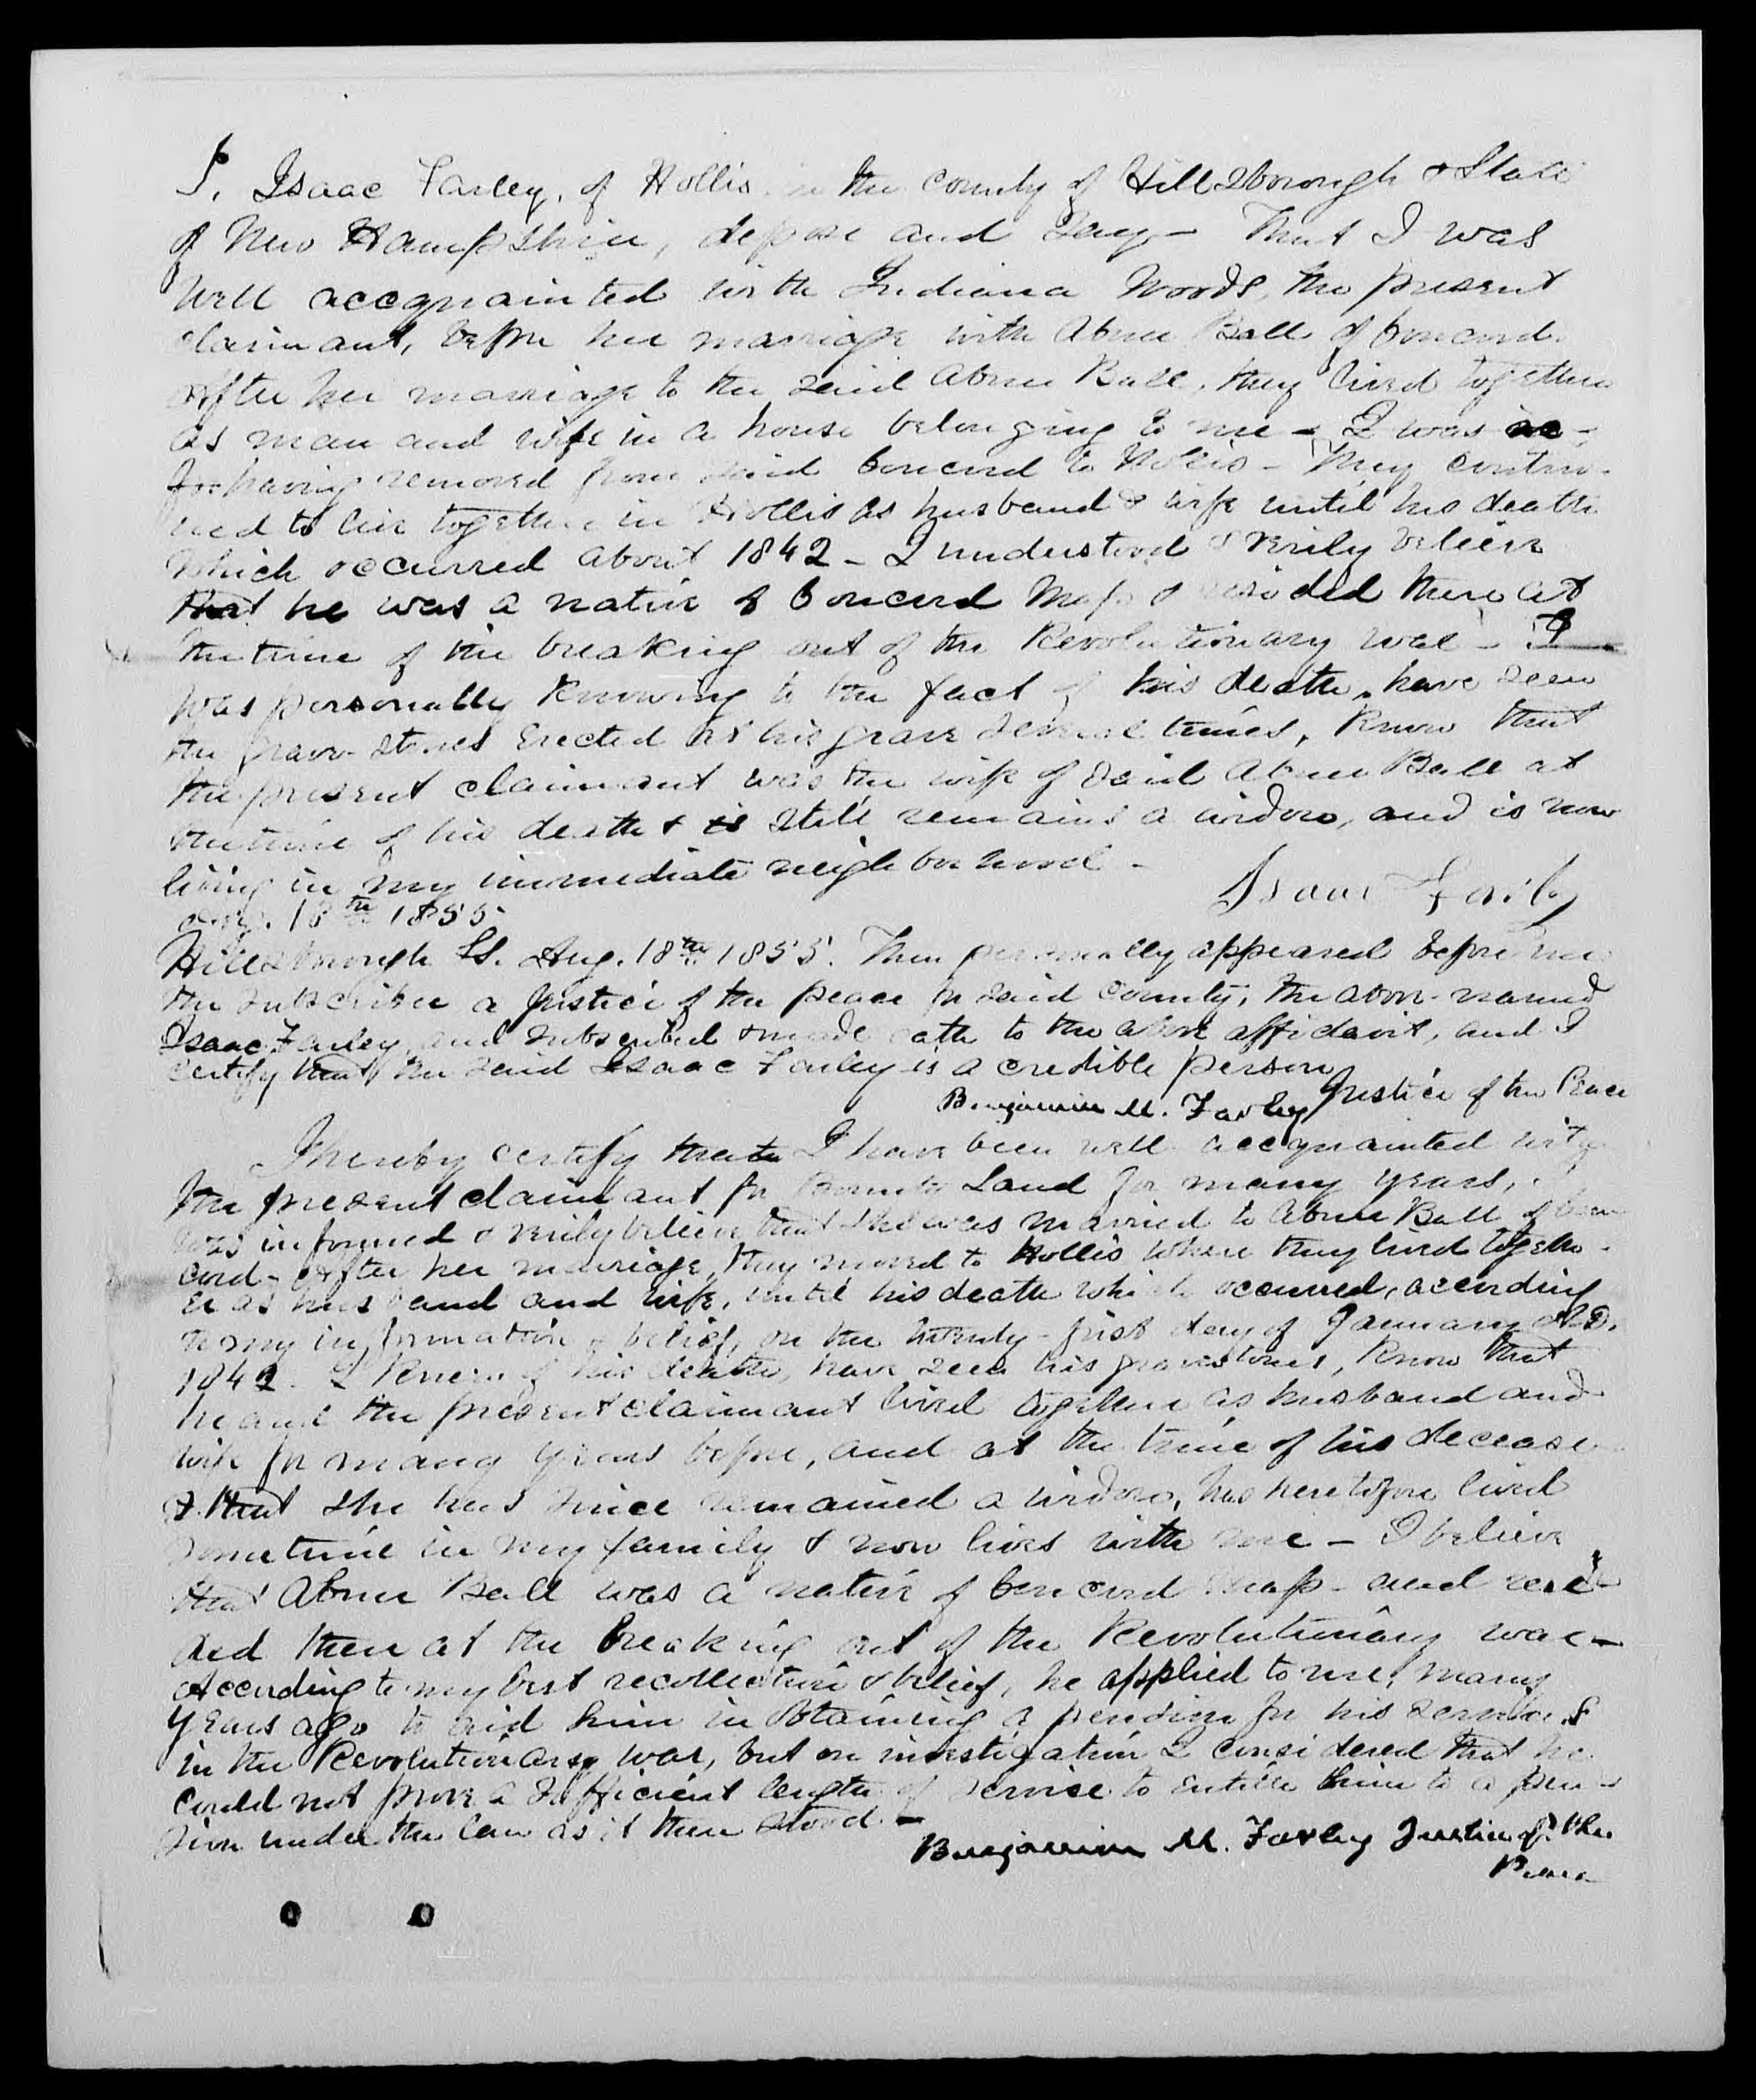I, Isaac Farley, of Hollis in the county of Hillsborough & State
of New Hampshire, depose and say - That I was 
well acquainted with Indiana Woods, the present 
claimant, before her marriage with Abner Ball of Concord. 
After her marriage to the said Abner Ball, they lived together 
as man and wife in a house belonging to me. I was 
for having removed from said Concord to Hollis - They contin-
red to live together in Hollis as husband & wife until his death
which occurred about 1842 - I understood & brill believe that he was a native of Concord Mass & resided here at 
the time of the breaking out of the Revolutionary War - I
was personally knowing to the fact of his death, have seen
the grave. It was erected as his grave & that
the present claimant was the wife of said Abner Ball at
the time of his death & is still a widow and is now
living in my immediate neighborhood.
Aug 18th 1855 Isaac Farley
Hillsborough SS. Aug. 18th 1855. Then personally appeared before me
the subscriber a Justice of the peace in said county, the above-named
Isaac Farley, and subscribed & made oath to the above affidavit, and I 
certify that the said Isaac Farley is a credible person
Justice of the Peace
Benjamin M. Farley
I hereby certify that I have been well acquainted with 
the present claimant in Bounty Land for many years, I 
was informed & verily believe that she was married to Abner Ball of Con
cord - After her marriage, they moved to Hollis where they lived together
er as husband and wife, until his death which occurred, according
to my information of belief, on the twenty-first day of January A.D.
1842. I knew of his death, have seen his gravestones, know that
he and the present claimant lived together as husband and
wife for many years before, and at the time of his decease
that she was a widow, has heretofore lived
sometime in my family & now lives with me - I believe
that Abner Ball was a native of Concord Mass - and resi
ded there at the breaking out of the Revolutionary War - 
According to my best recollection & belief, he applied to use, many
years ago, to aid him in obtaining a pension for his service 
in the Revolutionary war, but on investigation I considered that he
could not prove a sufficient length of service to entitle him to a pen
sion under the law as it then stood.
Benjamin M. Farley Justice of the Peace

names: Abner Ball, Abner Ball, Isaac Farley, Abner Ball, Isaac Farley, Benjamin M Farley, Isaac Farley, Benjamin M Farley, Isaac Farley, Abner Ball, Indiana Woods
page: 6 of 16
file: B. L. Wt, 36670-160-55, Abner Ball, Mass.